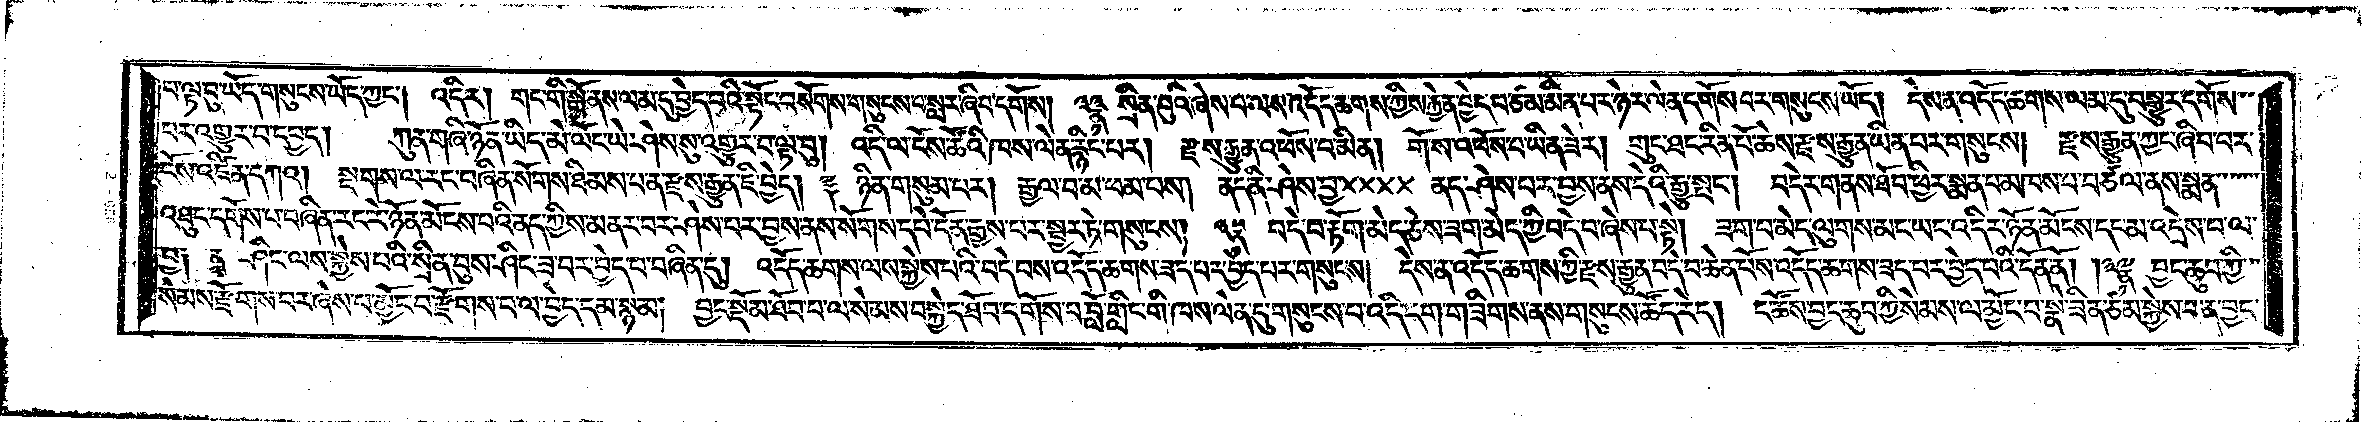པ་ལྟ་བུ་ཡོད་གསུངས་ཡོད་ཀྱང་། འདིར། གང་གི་སྒོ་ནས་ལམ་དུ་བྱེད་པའི་སྟོང་བསོགས་གསུངས་བ་སླར་ཞིབ་དགོས། ༣༣ན༡་སྲིན་བུའི་ཞེས་བ་ལས་འདོད་ཆགས་ཀྱིས་རྐྱེན་བྱེད་བཙམ་མིན་པར་ཉེར་ལེན་དགོས་པར་གསུངས་ཡོད། དེས་ན་འདོད་ཆགས་ལམ་དུ་བསྒྱུར་དགོས་
པར་འགྱུར་བ་དཔྱད། ཀུན་གཞི་ཉོན་ཡིད་མེ་ལོང་ཡེ་ཤེས་སུ་འགྱུར་བ་ལྟ་བུ། འདི་ལ་ངོས་ཚོའི་ཁས་ལེན་རྙིང་པར། རྫས་རྒྱུན་འཕོས་པ་མིན། གོས་འཕོས་པ་ཡིན་ཟེར། གུང་ཐང་རིན་པོ་ཆེ་རྫས་རྒྱུན་ཡིན་པར་གསུངས། རྫས་རྒྱུན་ཀྱང་ཞིབ་པར་
ངོས་འཛིན་དཀའ། སྔགས་ལ་རང་བཞིན་སོགས་ཐིམས་པ་ན་རྫས་རྒྱུན་ཇི་བྱེད། ༈ ཉིན་གསུམ་པར། རྒྱལ་བ་མ་ཕམ་པས། ནད་ནི་ཤེས་བྱ་྾་྾་྾་ནད་ཤེས་པར་བྱས་ནས་དེའི་རྒྱུད་སྤང་། བདེར་གནས་ཐོབ་ཕྱིར་སྨན་པ་མཁས་པ་བཙལ་ནས་སྨན་
འཐུང་དགོས་པ་བཞིན་རང་རེ་ཉོན་མོངས་པའི་ནད་ཀྱིས་མནར་བར་ཤེས་བར་བྱས་ནས་སོགས་དཔེ་དོན་རྒྱས་པར་སྦྱར་ཏེ་གསུངས། ༣༥ར༦་བདེ་བ་རྟོག་མེད་ཅེས་ཟག་མེད་ཀྱི་བདེ་བ་ཞེས་པ་སྟེ། ཟག་པ་མེད་ལུགས་མང་ཡང་འདིར་ཉོན་མོངས་དང་མ་འདྲེས་པ་ལ་
བྱ༑ ན༢་ཤིང་ལས་སྐྱེས་པའི་སྲིན་བུས་ཤིང་ཟ་བར་བྱེད་པ་བཞིན་དུ། འདོད་ཆགས་ལས་སྐྱེས་པའི་བདེ་བས་འདོད་ཆགས་ཟད་པར་བྱེད་པར་གསུངས། དེས་ན་འདོད་ཆགས་ཀྱི་རྫས་རྒྱུན་བདེ་བ་ཆེན་པོས་འདོད་ཆགས་ཟད་པར་བྱེད་པའི་དོན་ནོ། །༣༧ན༡་བྱང་ཆུབ་ཀྱི་
སེམས་རྫོགས་བར་ཞེས་པ་མྱོང་བ་རྫོགས་བ་ལ་བྱེད་དམ་སྙམ། བྱང་སྡོམ་ཐོབ་པ་ལ་སེམས་བསྐྱེད་ཐོབ་དགོས་པ་བློ་གླིང་གི་ཁས་ལེན་དུ་གསུངས་པ་འདི་དག་གཟིགས་ནས་གསུངས་ཚོད་རེད། ང་ཚོས་བྱང་ཆུབ་ཀྱི་སེམས་ལ་མྱོང་བ་སྣེ་ཟིན་ཙམ་སྐྱེས་པ་ན་བྱང་